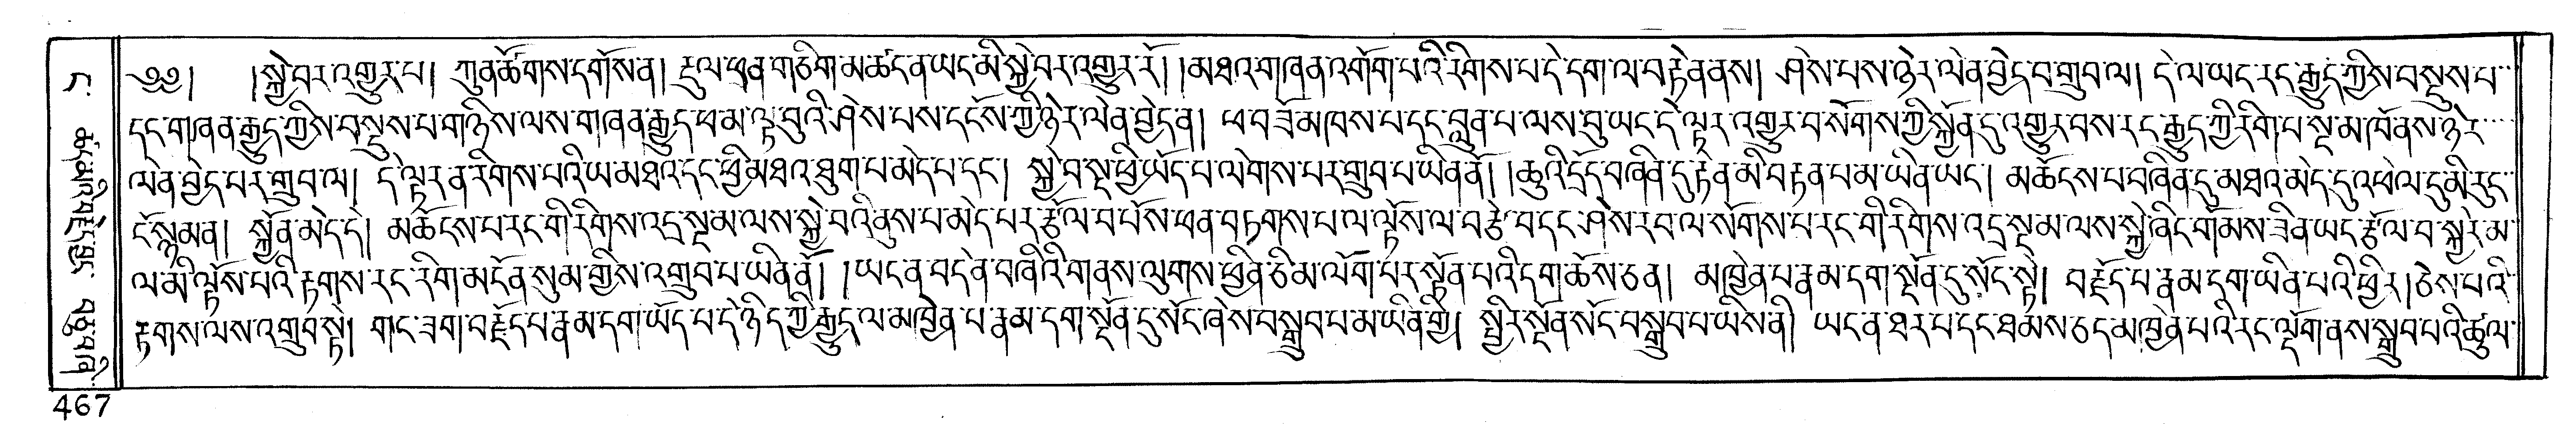༄༅། །སྐྱེ་བར་འགྱུར་རོ།། ཀུན་ཚོགས་དགོས་ན། རྡུལ་ཕྲན་གཅིག་མ་ཚང་ན་ཡང་མི་སྐྱེ་བར་འགྱུར་རོ། །མཐའ་གཞན་འགོག་པའི་རིགས་པ་དེ་དག་ལ་བརྟེན་ནས། ཤེས་པས་ཉེར་ལེན་བྱེད་པ་གྲུབ་ལ། དེ་ལ་ཡང་རང་རྒྱུད་ཀྱིས་བ་སྡུས་པ་
དང་གཞན་རྒྱུད་ཀྱིས་བསྡུས་པ་གཉིས་ལས་གཞན་རྒྱུད་ཕམ་ལྟ་བུའི་ཤེས་པས་དངོས་ཀྱི་ཉེར་ལེན་བྱེད་ན། ཕ་བཟོ་མཁས་པ་དང་བླུན་པ་ལས་བུ་ཡང་དེ་ལྟར་འགྱུར་བ་སོགས་ཀྱི་སྐྱོན་དུ་འགྱུར་བས་རང་རྒྱུད་ཀྱི་རིག་པ་སྔ་མ་ཁོ་ནས་ཉེར་
ལེན་བྱེད་པར་གྲུབ་ལ། དེ་ལྟར་ན་རིགས་པའི་ཡ་མཐའ་དང་ཕྱི་མཐའ་ཐུག་པ་མེད་པ་དང་། སྐྱེ་བ་སྔ་ཕྱི་ཡོད་པ་ལེགས་པར་གྲུབ་པ་ཡིན་ནོ། །ཆུའི་དྲོད་བཞིན་དུ་རྟེན་མི་བརྟན་པ་མ་ཡིན་ཡང་། མཆོངས་པ་བཞིན་དུ་མཐའ་མེད་དུ་འཕེལ་དུ་མི་རུང་
ངོ་སྙམ་ན། སྐྱོན་མེད་དེ། མཆོངས་པ་རང་གི་རིགས་འདྲ་སྔ་མ་ལས་སྐྱེ་བའི་ནུས་པ་མེད་པར་རྩོལ་བ་པོས་ཕན་བཏགས་པ་ལ་ལྟོས་ལ་བརྩེ་བ་དང་ཤེས་རབ་ལ་སོགས་པ་རང་གི་རིགས་འདྲ་སྔ་མ་ལས་སྐྱེ་ཞིང་གོམས་ཟིན་ཡང་རྩོལ་བ་སྐྱར་མ་
ལ་མི་ལྟོས་པའི་རྟགས་རང་རིག་མངོན་སུམ་གྱིས་འགྲུབ་པ་ཡིན་ནོ། །ཡང་ན་བདེན་བཞིའི་གནས་ལུགས་ཕྱིན་ཅི་མ་ལོག་པར་སྟོན་པའི་དག་ཆོས་ཅན། མཁྱེན་པ་རྣམ་དག་སྔོན་དུ་སོང་སྟེ། བརྗོད་པ་རྣམ་དག་ཡིན་པའི་ཕྱིར། ཅེས་པའི་
རྟགས་ལས་འགྲུབ་སྟེ། གང་ཟག་བརྗོད་པ་རྣམ་དག་ཡོད་པ་དེ་ཉིད་ཀྱི་རྒྱུད་ལ་མཁྱེན་པ་རྣམ་དག་སྔོན་དུ་སོང་ཞེས་བསྒྲུབ་པ་མ་ཡིན་གྱི། སྤྱིར་སྔོན་སོང་བསྒྲུབ་པ་ཡིས་ནི། ཡང་ན་ཐར་པ་དང་ཐམས་ཅད་མཁྱེན་པའི་རང་ལྡོག་ནས་སྒྲུབ་པའི་ཚུལ་